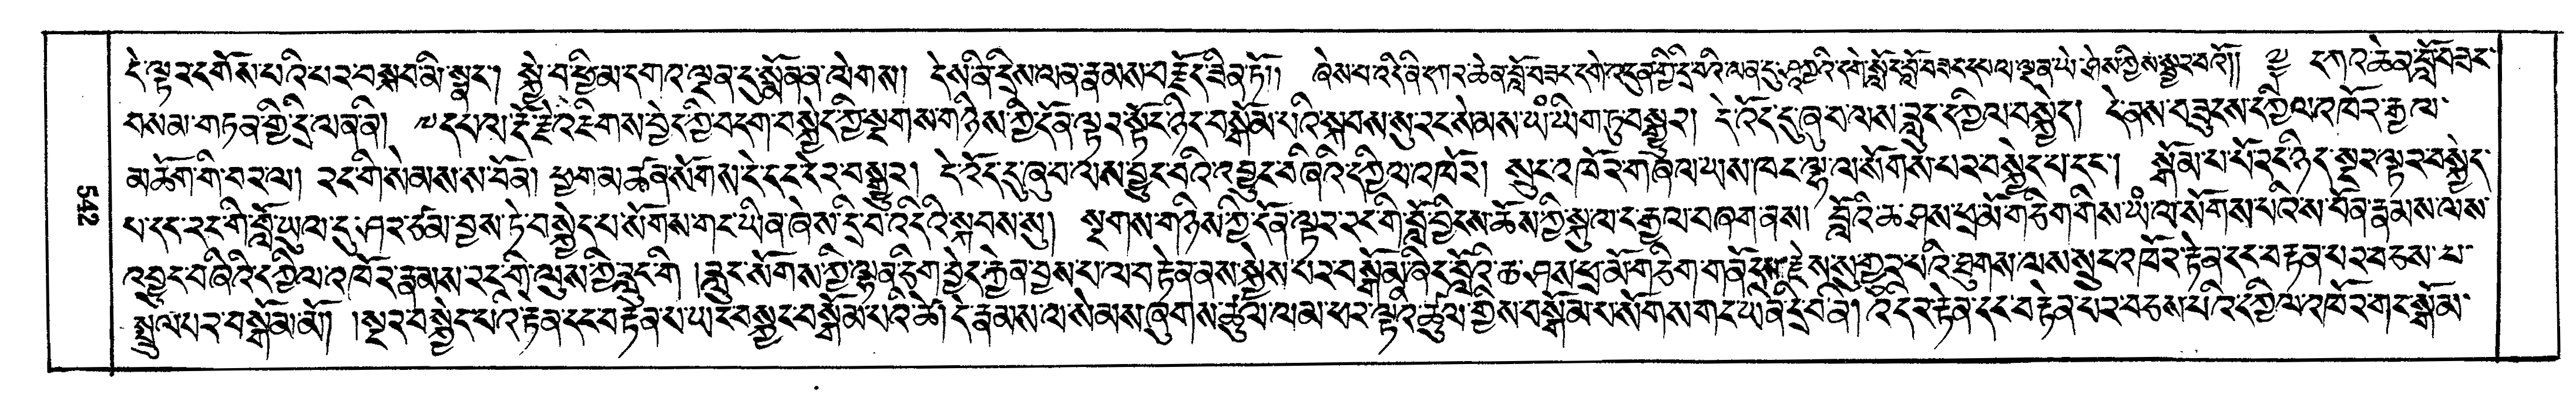དེ་ལྟར་དགོས་པའི་པར་བཀབ་མི་སྣང་། སྐྱེ་བ་ཕྱི་མ་དགའ་ལྡན་དུ་སྨོན་ན་ལེགས། དེས་ནི་དྲིས་ལན་རྣམས་བརྗོད་ཟིན་ཏོ།། ཞེས་པ་འདི་ནི་དཀའ་ཆེན་བློ་བཟང་དགེ་འདུན་གྱི་དྲི་བའི་ལན་དུ་ཤཱཀྱའི་དགེ་སློང་བློ་བཟང་དཔལ་ལྡན་ཡེ་ཤེས་ཀྱིས་སྦྱར་བའོ།། ༈ དཀའ་ཆེན་བློ་བཟང་
བསམ་གཏན་གྱི་དྲི་ལན་ནི། ༈ དཔལ་རྡོ་རྗེ་འཇིགས་བྱེད་ཀྱི་བདག་བསྐྱེད་ཀྱི་སྔགས་གཉིས་ཀྱི་དོན་ལྟར་སྟོང་ཉིད་བསྒོམ་པའི་སྐབས་སུ་རང་སེམས་ཡཾ་ཡིག་ཏུ་བསྒྱུར། དེ་འོད་དུ་ཞུ་བ་ལས་རླུང་དཀྱིལ་བསྐྱེད། དེ་ནས་བཟུངས་དཀྱིལ་འཁོར་རྒྱལ་
མཆོག་གི་བར་ལ། རང་གི་སེམས་ས་བོན། ཕྱག་མཚན་སོགས་དེ་དང་དེར་བསྒྱུར། དེ་འོད་དུ་ཞུ་བ་ལས་བྱུང་བའི་འབྱུང་བཞིའི་དཀྱིལ་འཁོར། སྲུང་འཁོར་གཞལ་ཡས་ཁང་ལྷ་ལ་སོགས་པར་བསྐྱེད་པ་དང་། སྒོམ་པ་པོ་རང་ཉིད་སྔར་ལྟར་བསྐྱེད་
པ་དང་རང་གི་བློ་ཡུལ་དུ་ཤར་ཙམ་བྱས་ཏེ་བསྐྱེད་པ་སོགས་གང་ཡིན་ཞེས་དྲི་བ་འདིའི་སྐབས་སུ། སྔགས་གཉིས་ཀྱི་དོན་ལྟར་རང་གི་བློ་བྱིངས་ཆོས་ཀྱི་སྐྱུ་ལ་ང་རྒྱལ་བཞག་ནས། བློའི་ཆ་ཤས་ཕྲ་མོ་གཅིག་གིས་ཡཾ་ལ་སོགས་པའི་ས་བོན་རྣམས་ལས་
འབྱུང་བཞིའི་དཀྱིལ་འཁོར་རྣམས་རང་གི་ལུས་ཀྱི་རླུང་གི། །རླུང་སོགས་ཀྱི་ལྷན་ཅིག་བྱེད་རྐྱེན་བྱས་པ་ལ་བརྟེན་ནས་སྐྱེས་པར་བསྒོམ་ཞིང་བློའི་ཆ་ཤས་ཕྲ་མོ་གཅིག་གནོད་མཛེས་སུ་གྱུར་པའི་ཐུགས་ལས་སྲུང་འཁོར་རྟེན་དང་བརྟེན་པར་བཅས་པ་
སྤྲུལ་པར་བསྒོམ་མོ། །སྔར་བསྐྱེད་པའི་རྟེན་དང་བརྟེན་པ་ཡང་བསྐྱར་བསྒོམ་པའི་ཚེ། དེ་རྣམས་ལ་སེམས་ཞུགས་ཚུལ་ལམ་པར་ལྟའི་ཚུལ་གྱིས་བསྒོམ་པ་སོགས་གང་ཡིན་དྲི་བ་ནི། འདིར་རྟེན་དང་བརྟེན་པར་བཅས་པའི་དཀྱིལ་འཁོར་གང་སྒོམ་